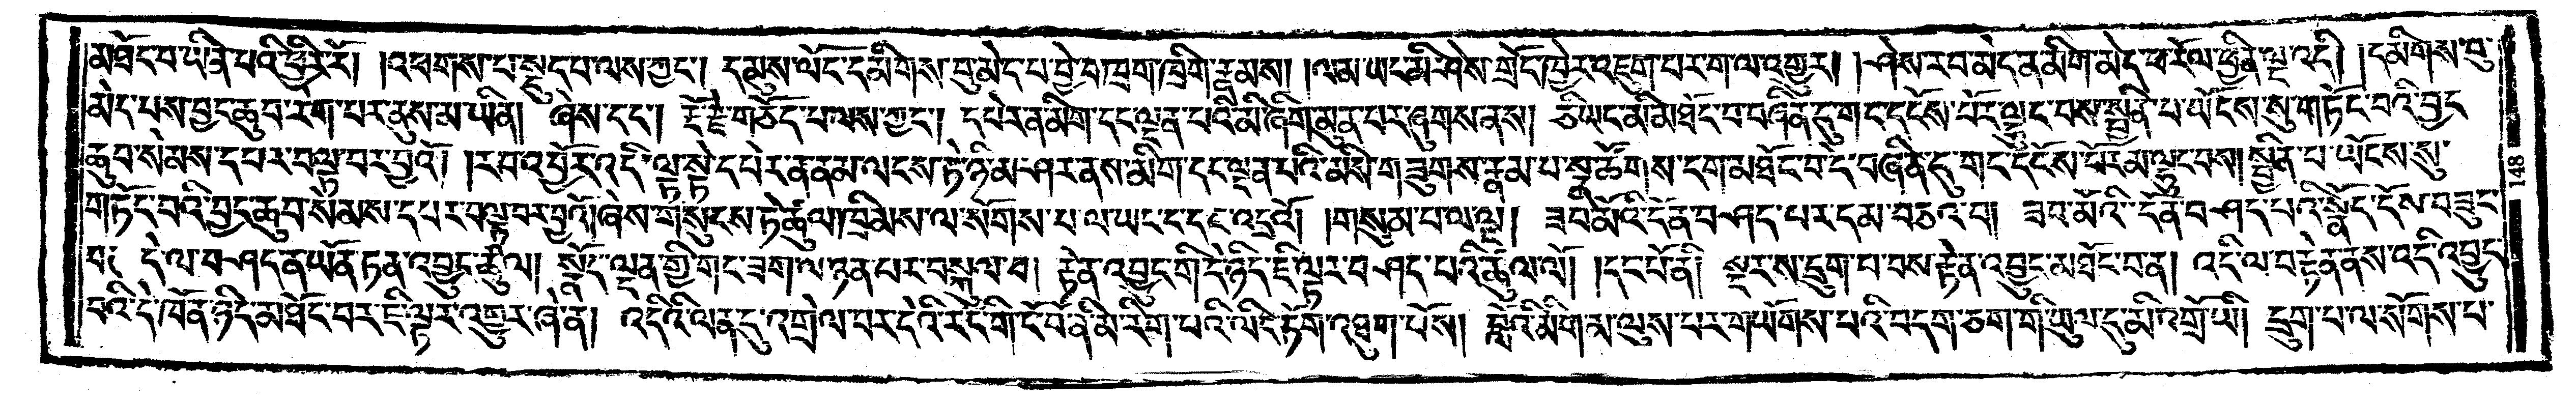མཐོང་བ་ཡིན་པའི་ཕྱིར་རོ། །འཕགས་པ་སྡུད་པ་ལས་ཀྱང་། དམུས་ལོང་དམིགས་བུ་མེད་པ་བྱེ་བ་ཁྲག་ཁྲིག་རྣམས། །ལམ་ཡང་མི་ཤེས་གྲོང་ཁྱེར་འཇུག་པར་ག་ལ་འགྱུར། །ཤེས་རབ་མེད་ན་མིག་མེད་ཕ་རོལ་ཕྱིན་ལྔ་འདི། །དམིགས་བུ་
མེད་པས་བྱང་ཆུབ་རེག་པར་ནུས་མ་ཡིན། ཞེས་དང་། རྡོ་རྗེ་གཅོད་པ་ལས་ཀྱང་། དཔེར་ན་མིག་དང་ལྡན་པའི་མི་ཞིག་མུན་པར་ཞུགས་ནས། ཅི་ཡང་མི་མཐོང་བ་བཞིན་དུ་གང་དངོས་པོར་ལྷུང་བས་སྦྱིན་པ་ཡོངས་སུ་གཏོང་བའི་བྱང་
ཆུབ་སེམས་དཔར་བལྟ་བར་བྱའོ། །རབ་འབྱོར་འདི་ལྟ་སྟེ་དཔེར་ན་ནམ་ལངས་ཏེ་ཉི་མ་ཤར་ནས་མིག་དང་ལྡན་པའི་མིས་གཟུགས་རྣམ་པ་སྣ་ཚོགས་དག་མཐོང་བ་དེ་བཞིན་དུ་གང་དངོས་པོར་མ་ལྷུང་བས། སྦྱིན་པ་ཡོངས་སུ་
གཏོང་བའི་བྱང་ཆུབ་སེམས་དཔར་བལྟ་བར་བྱའོ། ཞེས་གསུངས་ཏེ་ཚུལ་ཁྲིམས་ལ་སོགས་པ་ལ་ཡང་དེ་དང་འདྲའོ། །གསུམ་པ་ལ་ལྔ། ཟབ་མོའི་དོན་བཤད་པར་དམ་བཅའ་བ། ཟབ་མོའི་དོན་བཤད་པའི་སྣོད་ངོས་བཟུང་
བ༑ དེ་ལ་བཤད་ན་ཡོན་ཏན་འབྱུང་ཚུལ། སྣོད་ལྡན་གྱི་གང་ཟག་ལ་ཉན་པར་བསྐུལ་བ། རྟེན་འབྱུང་གི་དེ་ཉིད་ཇི་ལྟར་བཤད་པའི་ཚུལ་ལོ། །དང་པོ་ནི། སྔར་ས་དྲུག་པ་པས་རྟེན་འབྱུང་མཐོང་བ་ན། འདི་ལ་བརྟེན་ནས་འདི་འབྱུང་
བའི་དེ་ཁོ་ན་ཉིད་མཐོང་བར་ཇི་ལྟར་འགྱུར་ཞེ་ན། འདིའི་ལན་དུ་འགྲེལ་པར་དེའི་རང་གི་ངོ་བོ་ནི་མ་རིག་པའི་ལིང་ཏོག་འཐུག་པོས། བློའི་མིག་མ་ལུས་པར་གཡོགས་པའི་བདག་ཅག་གི་ཡུལ་དུ་མི་འགྲོ་ཡི། དྲུག་པ་ལ་སོགས་པ་